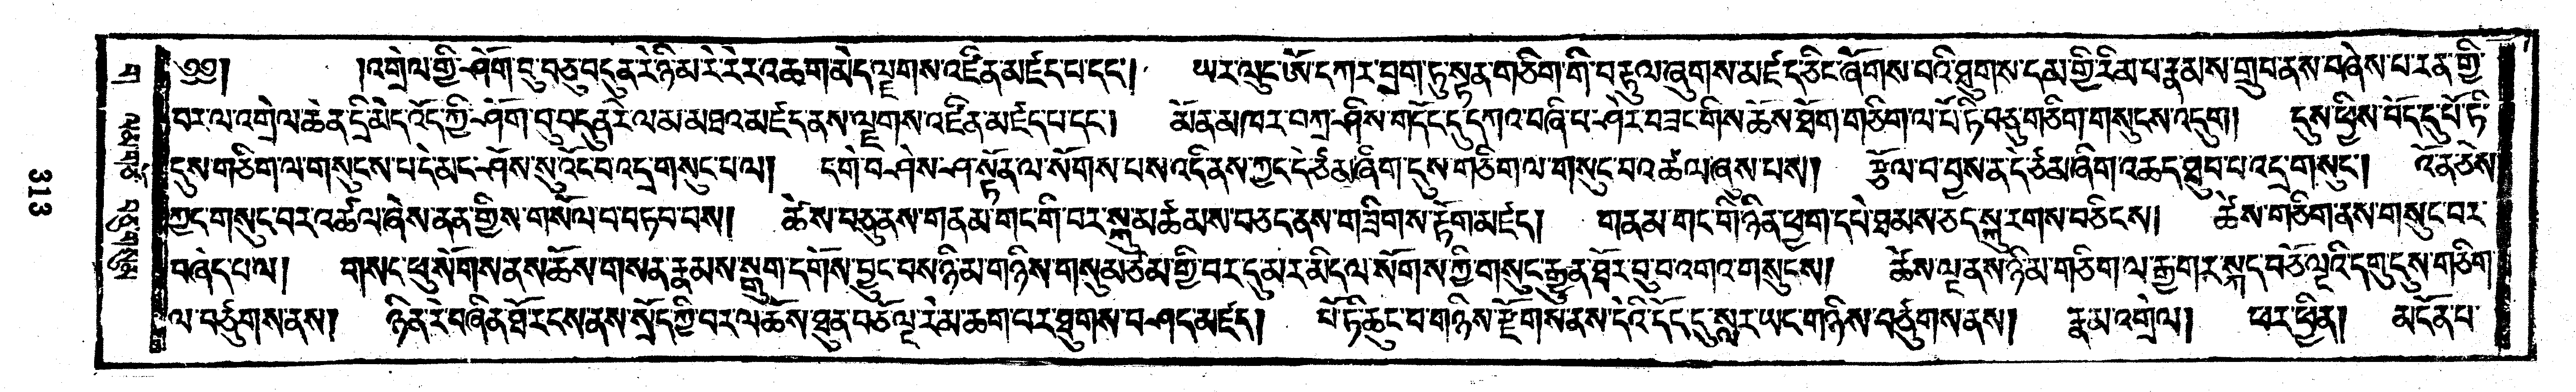༄༅། །འགྲེལ་གྱི་ཤོག་བུ་བཅུ་བདུན་རེ་ཉི་མ་རེ་རེར་འཆག་མེད་ལྗགས་འཛིན་མཛད་པ་དང་། ཡར་ལུང་ཨོ་དཀར་བྲག་ཏུ་སྟན་གཅིག་གི་བརྟུལ་ཞུགས་མཛད་ཅིང་ཞུགས་པའི་ཐུགས་དམ་གྱི་རིམ་པ་རྣམས་གྲུབ་ནས་བཞེས་པ་རན་གྱི་
བར་ལ་འགྲེལ་ཆེན་དྲི་མེད་འོད་ཀྱི་ཤོག་བུ་བདུན་རེ་ལམ་མཐའ་མཛད་ནས་ལྗགས་འཛིན་མཛད་པ་དང་། མོན་མཁར་བཀྲ་ཤིས་གདོང་དུ་དཀའ་བཞི་པ་ཤེར་བཟང་གིས་ཆོས་ཐོག་གཅིག་ལ་པོ་ཏི་བཅུ་གཅིག་གསུངས་འདུག། དུས་ཕྱིས་བོད་དུ་པོ་ཏི་
དུས་གཅིག་ལ་གསུངས་པ་དེ་མང་ཤོས་སུ་འོང་བ་འདྲ་གསུང་པ་ལ། དགེ་བཤེས་ཤ་སྟོན་ལ་སོགས་པས་འདི་ནས་ཀྱང་དེ་ཙམ་ཞིག་དུས་གཅིག་ལ་གསུང་བ་འཚལ་ཞུས་པས། རྩོལ་བ་བྱས་ན་དེ་ཙམ་ཞིག་འཆད་ཐུབ་པ་འདྲ་གསུང་། འོ་ན་ཅེས་
ཀྱང་གསུང་བར་འཚལ་ཞེས་ནན་གྱིས་གསོལ་བ་བཏབ་པས། ཚེས་བཅུ་ནས་གནམ་གང་གི་བར་སྐུ་མཚམས་བཅད་ནས་གཟིགས་རྟོག་མཛད། གནམ་གང་གི་ཉིན་ཕྱག་དཔེ་ཐམས་ཅད་སྐུ་རགས་བཅིངས། ཚེས་གཅིག་ནས་གསུང་བར་
བཞེད་པ་ལ། གསང་ཕུ་སོགས་ནས་ཆོས་གསན་རྣམས་སྒུག་དགོས་བྱུང་བས་ཉི་མ་གཉིས་གསུམ་ཙམ་གྱི་བར་དུ་མར་མིད་ལ་སོགས་ཀྱི་གསུང་རྒྱུན་ཐོར་བུ་བ་འགའ་གསུངས། ཚེས་ལྔ་ནས་ཉི་མ་གཅིག་ལ་རྒྱ་གར་སྐད་བཅོ་ལྔའི་དགུ་དུས་གཅིག་
ལ་བཙུགས་ནས། ཉིན་རེ་བཞིན་ཐོ་རངས་ནས་སྲོད་ཀྱི་བར་ལ་ཆོས་ཐུན་བཅོ་ལྔ་རེ་མ་ཆག་པར་ཐུགས་བཤད་མཛད། པོ་ཏི་ཆུང་བ་གཉིས་རྫོགས་ནས་དེའི་དོད་དུ་སླར་ཡང་གཉིས་བཙུགས་ནས། རྣམ་འགྲེལ། ཕར་ཕྱིན། མངོན་པ་